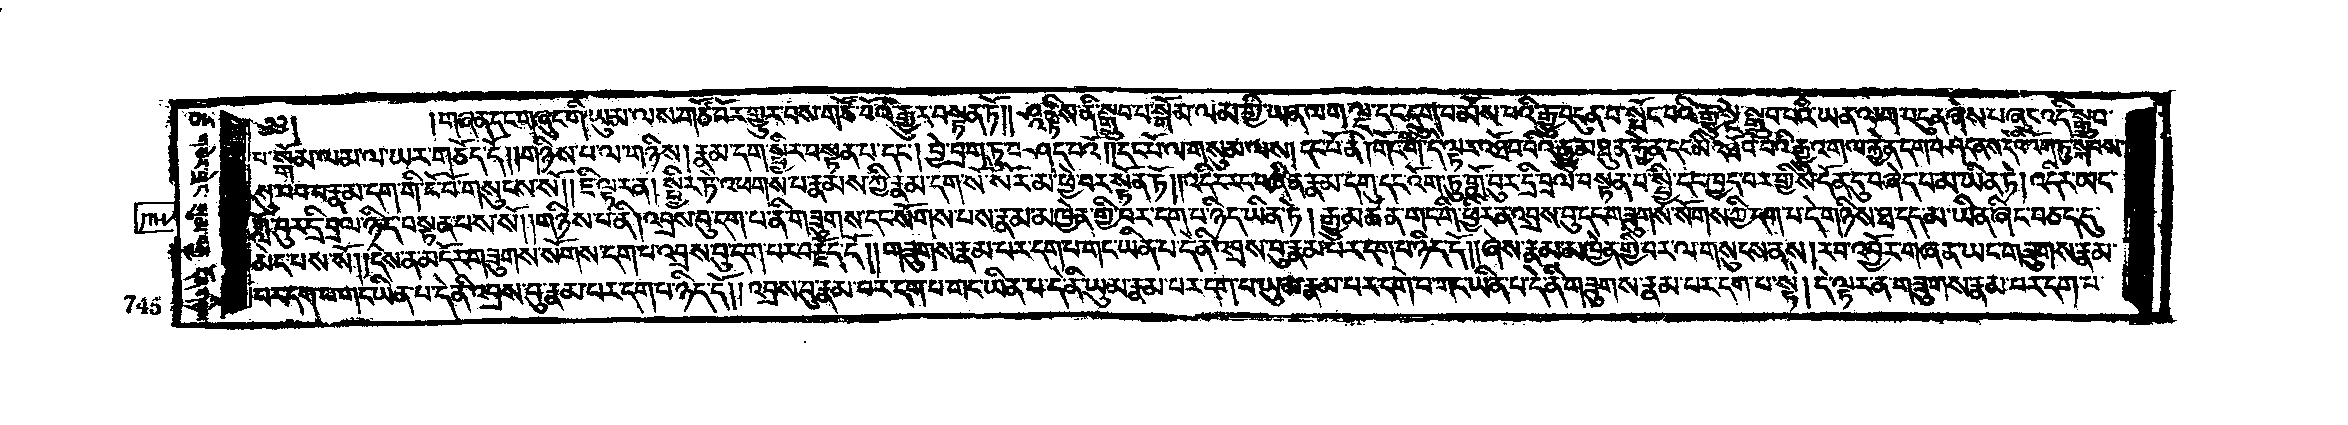༄༅། །གཞན་དང་གཞུང་གི་ཡུམ་ལས་གཙོ་བོར་གྱུར་པས་གཙོ་བོའི་རྒྱུར་བསྟན་ཏོ། །ཤཱནྟིས་ནི་སྒྲུབ་པ་སྒོམ་ལམ་གྱི་ཡན་ལག་ལྔ་དང་དྲུག་པ་མོས་པའི་རྒྱུ་བདུན་པ་སྤོང་བའི་རྒྱུ་སྟེ་སྒྲུབ་པའི་ཡན་ལག་བདུན་ཞེས་གཞུང་འདི་སྒྲུབ་
པ་སྒོམ་ལམ་ལ་ཡར་གཅོད་དོ། །གཉིས་པ་ལ་གཉིས། རྣམ་དག་སྤྱིར་བསྟན་པ་དང་། བྱེ་བྲག་ཏུ་བཤད་པའོ། །དང་པོ་ལ་གསུམ་ལས། དང་པོ་ནི། གོང་གི་དེ་ལྟར་འཐོབ་པའི་རྒྱུ་མཐུན་རྐྱེན་དང་མི་འཐོབ་པའི་རྒྱུ་འགལ་རྐྱེན་དག་བཤད་ནས་དེའི་འོག་ཏུ་སྐབས་
སུ་བབ་པ་རྣམ་དག་གི་ངོ་བོ་གསུངས་སོ། །ཇི་ལྟར་ན། སྤྱིར་ཏེ་འཕགས་པ་རྣམས་ཀྱི་རྣམ་དག་སོ་སོར་མ་ཕྱེ་བར་སྟོན་ཏོ། །འདིར་རང་བཞིན་རྣམ་དག་དང་འོག་ཏུ་གློ་བུར་དྲི་བྲལ་བསྟན་པ་སྤྱི་དང་ཁྱད་པར་གྱིས་དོན་དུ་བཞེད་པ་མ་ཡིན་ཏེ། འདིར་ཡང་
གློ་བུར་དྲི་བྲལ་ཉིད་བསྟན་པས་སོ། །གཉིས་པ་ནི། འབྲས་བུ་དག་པ་ནི་གཟུགས་དང་སོགས་པས་རྣམ་མཁྱེན་གྱི་བར་དག་པ་ཉིད་ཡིན་ཏེ། རྒྱུ་མཚན་གང་གི་ཕྱིར་ན་འབྲས་བུ་དང་གཟུགས་སོགས་ཀྱི་དག་པ་དེ་གཉིས་ཐ་དད་མ་ཡིན་ཞིང་བཅད་དུ་
མེད་པས་སོ། །དེས་ན་མདོར་གཟུགས་སོགས་དག་པ་འབྲས་བུ་དག་པར་བརྗོད་དོ། །གཟུགས་རྣམ་པར་དག་པ་གང་ཡིན་པ་དེ་ནི་འབྲས་བུ་རྣམ་པར་དག་པ་ཉིད་དོ། །ཞེས་རྣམ་མཁྱེན་གྱི་བར་ལ་གསུངས་ནས། རབ་འབྱོར་གཞན་ཡང་གཟུགས་རྣམ་
པར་དག་པ་གང་ཡིན་པ་དེ་ནི་འབྲས་བུ་རྣམ་པར་དག་པ་ཉིད་དོ། །འབྲས་བུ་རྣམ་པར་དག་པ་གང་ཡིན་པ་དེ་ནི་ཡུམ་རྣམ་པར་དག་པ་ཡུམ་རྣམ་པར་དག་པ་གང་ཡིན་པ་དེ་ནི་གཟུགས་རྣམ་པར་དག་པ་སྟེ། དེ་ལྟར་ན་གཟུགས་རྣམ་པར་དག་པ་